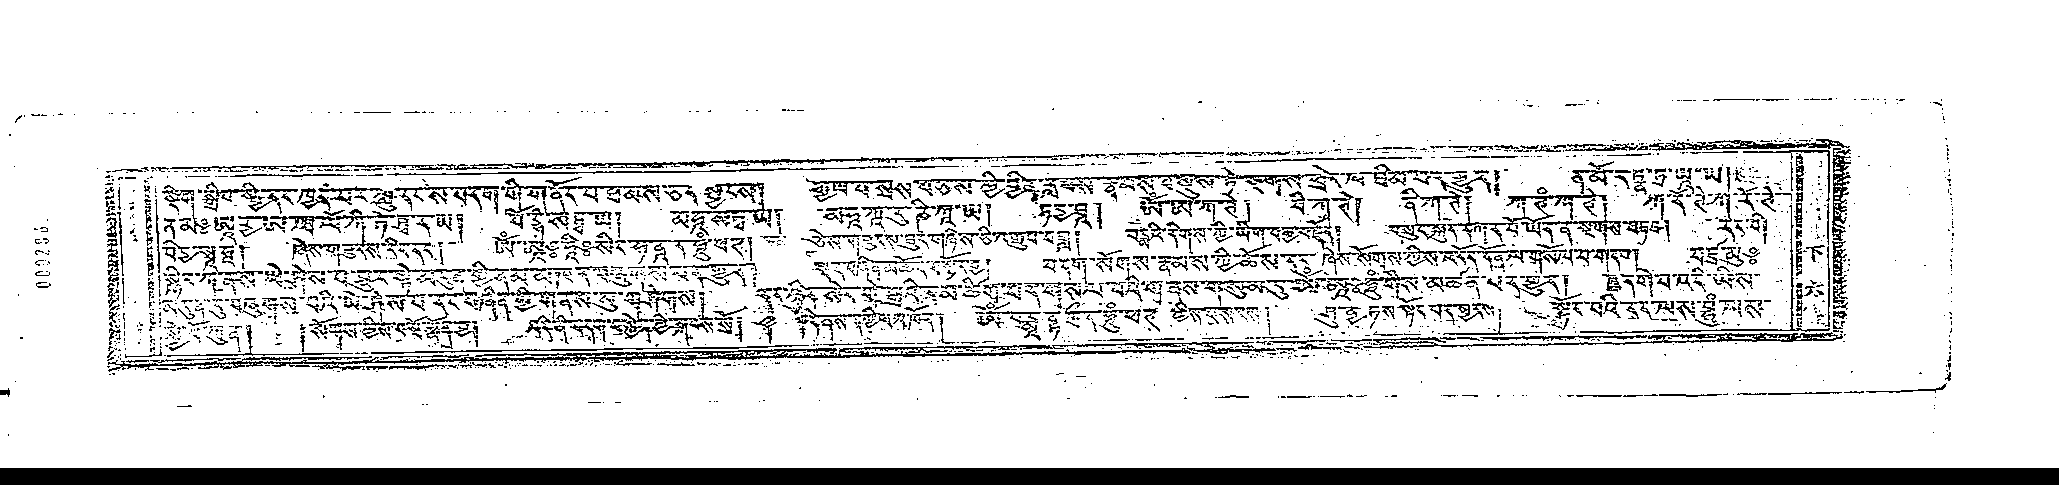སྡིག་སྒྲིབ་སྤྱི་དང་ཁྱད་བར་ཀླུ་དང་ས་བདག་གི་གནོད་པ་ཐམས་ཅད་སྦྱངས། རྒྱལ་བ་སྲས་བཅས་ཀྱི་བྱིན་རླབས་རྣམས་བསྡུས་ཏེ་སྔགས་ཕྲེང་ལ་ཐིམ་པར་གྱུར། ན་མོ་རཏྣ་ཏ་ཡཱ་ཡ།
ནམཿ་ཨཱརྱ་ཨ་ལྭ་ལོ་ཀི་ཏེ་ཤྭ་ར་ཡ། བོ་དྷི་སཏྭ་ཡ། མཏཱ་སཏྭ་ཡ། མཧཱ་ཀཱ་རུ་ཎི་ཀཱ་ཡ། ཏདྱ་ཐཱ། ཨོཾ་ཨ་ཀ་ཊེ། བི་ཀ་ཊེ། ནི་ཀ་ཊེ། ཀ་ཏཾ་ཀ་ཊེ། ཀ་རོ་ཊེ་ཀ་རོ་ཊེ་
བིདྱ་སྭཱ་ཧཱ། ཞེས་གཟུངས་རིད་དང།། ཨོཾ་ཨཱཿ་ཧཱིཿ་སིང་ཧ་ནཱ་ང་ཧཱུཾ་ཕཊ། ཅེས་གཟུངས་ཟུང་གཉིས་ཅི་འགྲུབ་བཟླ། པདམའི་རིགས་ཀྱི་ཡིག་བརྒྱ་བརྗོད། བསྲུང་སྐུད་དཀར་པོ་ཡོད་ན་སྔགས་བཏབ། རང་གི་
སྙིང་ཀ་ནས་ཡེ་ཤེས་པ་བྱུང་སྟེ་མདུན་གྱི་ནམ་མཁར་བཞུགས་པར་གྱུར། སྔར་བཞིན་མཆོད་བསྟོང་བྱ། བདག་སོགས་རྣམས་གྱི་ཆོས་དང་ཞེས་སོགས་ཀྱིས་འདོད་དོན་ལ་གསོལ་བ་གདབ། བཛྲ་མུཿ
མདུན་དུ་བཞུགས་པའི་ཡེ་ཤེས་པ་རང་བཞིན་གྱི་གནས་སུ་གཤེགས། རང་ཉིད་སེང་གེ་སྒྲའི་དམ་ཚིག་པར་གསལ་བའི་གནས་གསུམ་དུ་ཨོཾ་ཨཱཿ་ཧཱུཾ་གིས་མཚན་པར་གྱུར། དགེ་བ་འདི་ཡིས་
སྐྱེ་བོ་ཀུན། །སོགས་ཀྱིས་བསྡོ་སྨོན་བྱ། འདི་ནི་བདག་བསྐྱེད་ཀྱི་སྐབས་སོ། ༈ དེ་ནས་དཀྱིལ་འཁོར། ཨོཾ་པདམཱ་ནྟ་ཀྲྀད་ཧཱུཾ་ཕཊ་ཀྱིས་བསངས། ཤུ་རྒྱ་ཏས་སྟོང་པར་སྦྱངས། སྟོད་པའི་དང་ལས་བྷྲུཾ་ལས་